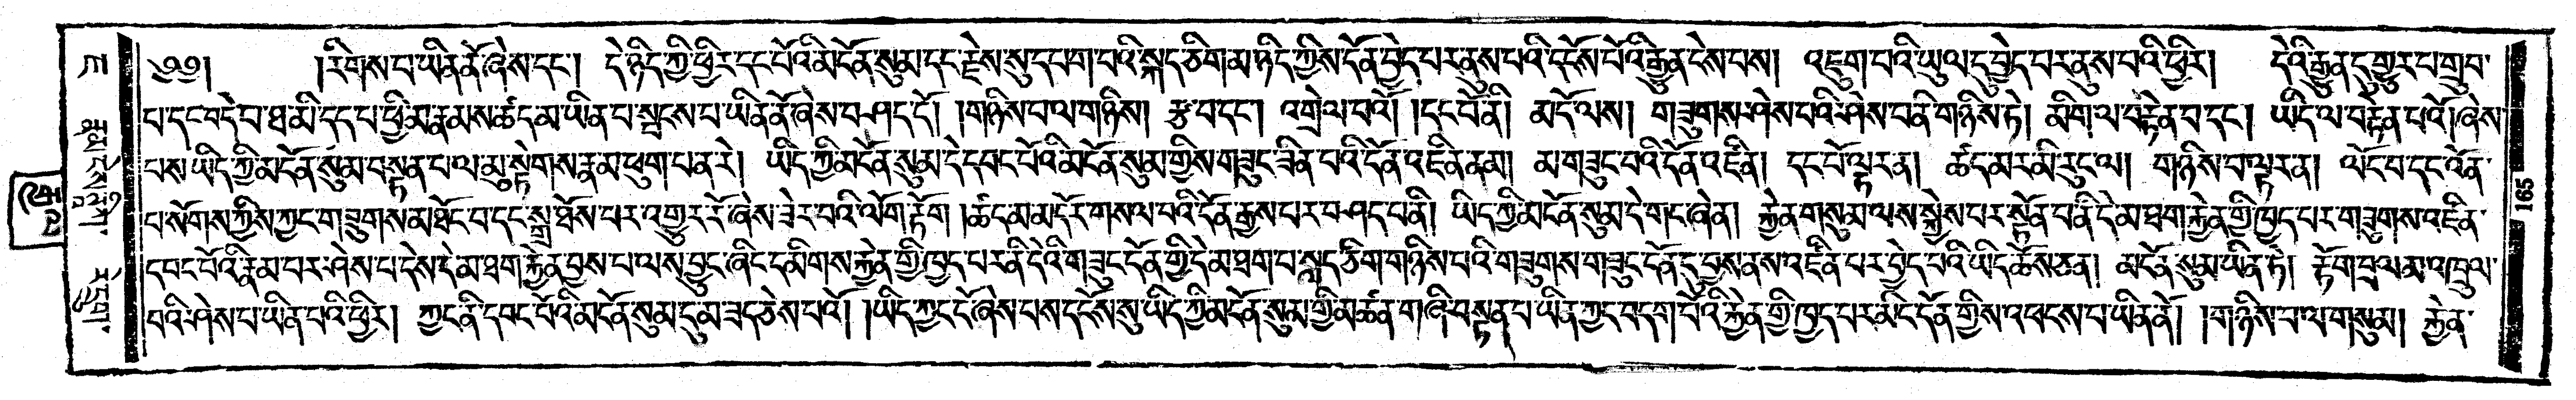༄༅། །རིགས་པ་ཡིན་ནོ་ཞེས་དང་། དེ་ཉིད་ཀྱི་ཕྱིར་དང་པོའི་མངོན་སུམ་དང་རྗེས་སུ་དཔག་པའི་སྐད་ཅིག་མ་ཉིད་ཀྱིས་དོན་བྱེད་པར་ནུས་པའི་དངོས་པོའི་རྒྱུན་ངེས་པས། འཇུག་པའི་ཡུལ་དུ་བྱེད་པར་ནུས་པའི་ཕྱིར། དེའི་རྒྱུན་དུ་གྱུར་པ་གྲུབ་
པ་དང་བདེ་བ་ཐ་མི་དད་པ་ཕྱི་མ་རྣམས་ཚད་མ་ཡིན་པ་སྤངས་པ་ཡིན་ནོ་ཞེས་བཤད་དོ། །གཉིས་པ་ལ་གཉིས། རྩ་བ་དང་། འགྲེལ་པའོ། །དང་པོ་ནི། མདོ་ལས། གཟུགས་ཤེས་པའི་ཤེས་པ་ནི་གཉིས་ཏེ། མིག་ལ་བརྟེན་པ་དང་། ཡིད་ལ་བརྟེན་པའོ། ཞེས་
པས་ཡིད་ཀྱི་མངོན་སུམ་བསྟན་པ་ལ་མུ་སྟེགས་རྣམ་ཕུག་པ་ན་རེ། ཡིད་ཀྱི་མངོན་སུམ་དེ་དབང་པོའི་མངོན་སུམ་གྱིས་གཟུང་ཟིན་པའི་དོན་འཛིན་ནམ། མ་གཟུང་བའི་དོན་འཛིན། དང་པོ་ལྟར་ན། ཚད་མར་མི་རུང་ལ། གཉིས་པ་ལྟར་ན། ལོང་བ་དང་འོན་
པ་སོགས་ཀྱིས་ཀྱང་གཟུགས་མཐོང་བ་དང་སྒྲ་ཐོས་པར་འགྱུར་རོ་ཞེས་ཟེར་བའི་ལོག་རྟོག །ཚད་མ་མདོར་གསལ་བའི་དོན་རྒྱས་པར་བཤད་པ་ནི། ཡིད་ཀྱི་མངོན་སུམ་དེ་གང་ཞེ་ན། རྐྱེན་གསུམ་ལས་སྐྱེས་པར་སྟོན་པ་ནི་དེ་མ་ཐག་རྐྱེན་གྱི་ཁྱད་པར་གཟུགས་འཛིན་
དབང་པོའི་རྣམ་པར་ཤེས་པ་དེས་དེ་མ་ཐག་རྐྱེན་བྱས་པ་ལས་བྱུང་ཞིང་དམིགས་རྐྱེན་གྱི་ཁྱད་པར་ནི་དེའི་གཟུང་དོན་གྱི་དེ་མ་ཐག་པ་སླད་ཅིག་གཉིས་པའི་གཟུགས་གཟུང་དོན་དུ་བྱས་ནས་འཛིན་པར་བྱེད་པའི་ཡིད་ཆོས་ཅན། མངོན་སུམ་ཡིན་ཏེ། རྟོག་བྲལ་མ་འཁྲུལ་
བའི་ཤེས་པ་ཡིན་པའི་ཕྱིར། ཀྱང་ནི་དབང་པོའི་མངོན་སུམ་དུ་མ་ཟད་ཅེས་པའོ། །ཡིད་ཀྱང་ངོ་ཞེས་པས་དངོས་སུ་ཡིད་ཀྱི་མངོན་སུམ་གྱི་མཚན་གཞི་བསྟན་པ་ཡིན་ཀྱང་བདག་པོའི་རྐྱེན་གྱི་ཁྱད་པར་མིང་དོན་གྱིས་འཕངས་པ་ཡིན་ནོ། །གཉིས་པ་ལ་གསུམ། རྐྱེན་